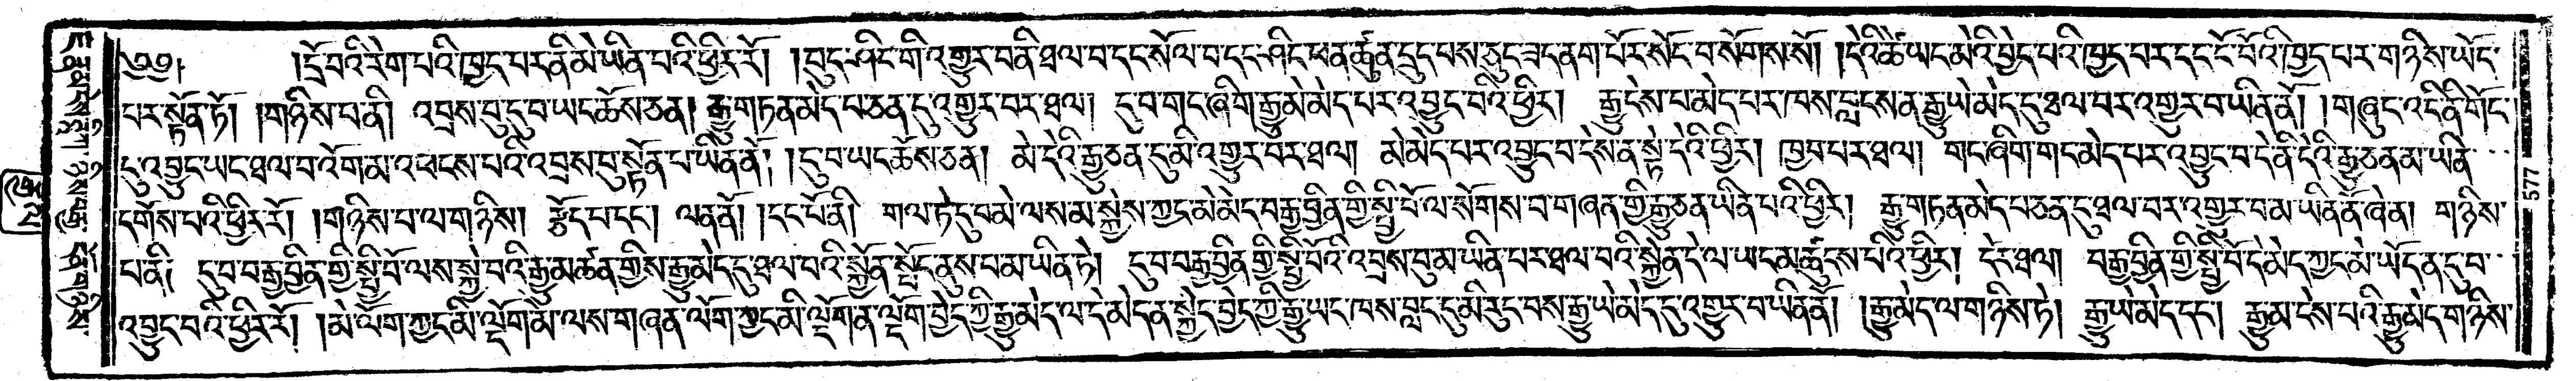༄༅། །དྲོ་བའི་རེག་པའི་ཁྱད་པར་ནི་མེ་ཡིན་པའི་ཕྱིར་རོ། །བུད་ཤིང་གི་འགྱུར་བ་ནི་ཐལ་བ་དང་སོལ་བ་དང་ཤིང་ཕན་ཚུན་དྲུད་པས་ཅུང་ཟད་ནག་པོར་སོང་བ་སོགས་སོ། །དེའི་ཚེ་ཡང་མེའི་བྱེད་པའི་ཁྱད་པར་དང་ངོ་བོའི་ཁྱད་པར་གཉིས་ཡོད་
པར་སྟོན་ཏོ། །གཉིས་པ་ནི། འབྲས་བུ་དུ་བ་ཡང་ཆོས་ཅན། རྒྱུ་གཏན་མེད་པ་ཅན་དུ་འགྱུར་བར་ཐལ། དུ་བ་གང་ཞིག་རྒྱུ་མེ་མེད་པར་འབྱུང་བའི་ཕྱིར། རྒྱུ་ངེས་པ་མེད་པར་ཁས་བླངས་ན་རྒྱུ་ཡེ་མེད་དུ་ཐལ་བར་འགྱུར་བ་ཡིན་ནོ། །གཞུང་འདི་ནི་གོང་
དུ་འབྱུང་ཡང་ཐལ་བ་འོག་མ་འཕངས་པའི་འབྲས་བུ་སྟོན་པ་ཡིན་ནོ། །དུ་བ་ཡང་ཆོས་ཅན། མེ་དེའི་རྒྱུ་ཅན་དུ་མི་འགྱུར་བར་ཐལ། མེ་མེད་པར་འབྱུང་བ་དེས་ན་སྟེ་དེའི་ཕྱིར། ཁྱབ་པར་ཐལ། གང་ཞིག་གང་མེད་པར་འབྱུང་བ་དེ་ནི་དེའི་རྒྱུ་ཅན་མ་ཡིན་
དགོས་པའི་ཕྱིར་རོ། །གཉིས་པ་ལ་གཉིས། རྩོད་པ་དང་། ལན་ནོ། །དང་པོ་ནི། གལ་ཏེ་དུ་བ་མེ་ལས་མ་སྐྱེས་ཀྱང་མེ་མེད་བརྒྱ་བྱིན་གྱི་སྤྱི་བོ་ལ་སོགས་པ་གཞན་གྱི་རྒྱུ་ཅན་ཡིན་པའི་ཕྱིར། རྒྱུ་གཏན་མེད་པ་ཅན་དུ་ཐལ་བར་འགྱུར་བ་མ་ཡིན་ནོ་ཞེ་ན། གཉིས་
པ་ནི། དུ་བ་བརྒྱ་བྱིན་གྱི་སྤྱི་བོ་ལས་སྐྱེ་བའི་རྒྱུ་མཚན་གྱིས་རྒྱུ་མེད་དུ་ཐལ་བའི་སྐྱོན་སྤོང་ནུས་པ་མ་ཡིན་ཏེ། དུ་བ་བརྒྱ་བྱིན་གྱི་སྤྱི་བོའི་འབྲས་བུ་མ་ཡིན་པར་ཐལ་བའི་སྐྱེན་དེ་ལ་ཡང་མཚུངས་པའི་ཕྱིར། དེར་ཐལ། བརྒྱ་བྱིན་གྱི་སྤྱི་བོ་དེ་མེད་ཀྱང་མེ་ཡོད་ན་དུ་བ་
འབྱུང་བའི་ཕྱིར་རོ། །མེ་ལོག་ཀྱང་མི་ལྡོག་མེ་ལས་གཞན་ལོག་ཀྱང་མི་ལྡོག་ན་ལྡོག་བྱེད་ཀྱི་རྒྱུ་མེད་ལ་དེ་མེད་ན་སྐྱེད་བྱེད་ཀྱི་རྒྱུ་ཡང་ཁས་བླང་དུ་མི་རུང་བས་རྒྱུ་ཡེ་མེད་དུ་འགྱུར་བ་ཡིན་ནོ། །རྒྱུ་མེད་ལ་གཉིས་ཏེ། རྒྱུ་ཡེ་མེད་དང་། རྒྱུ་མ་ངེས་པའི་རྒྱུ་མེད་གཉིས་